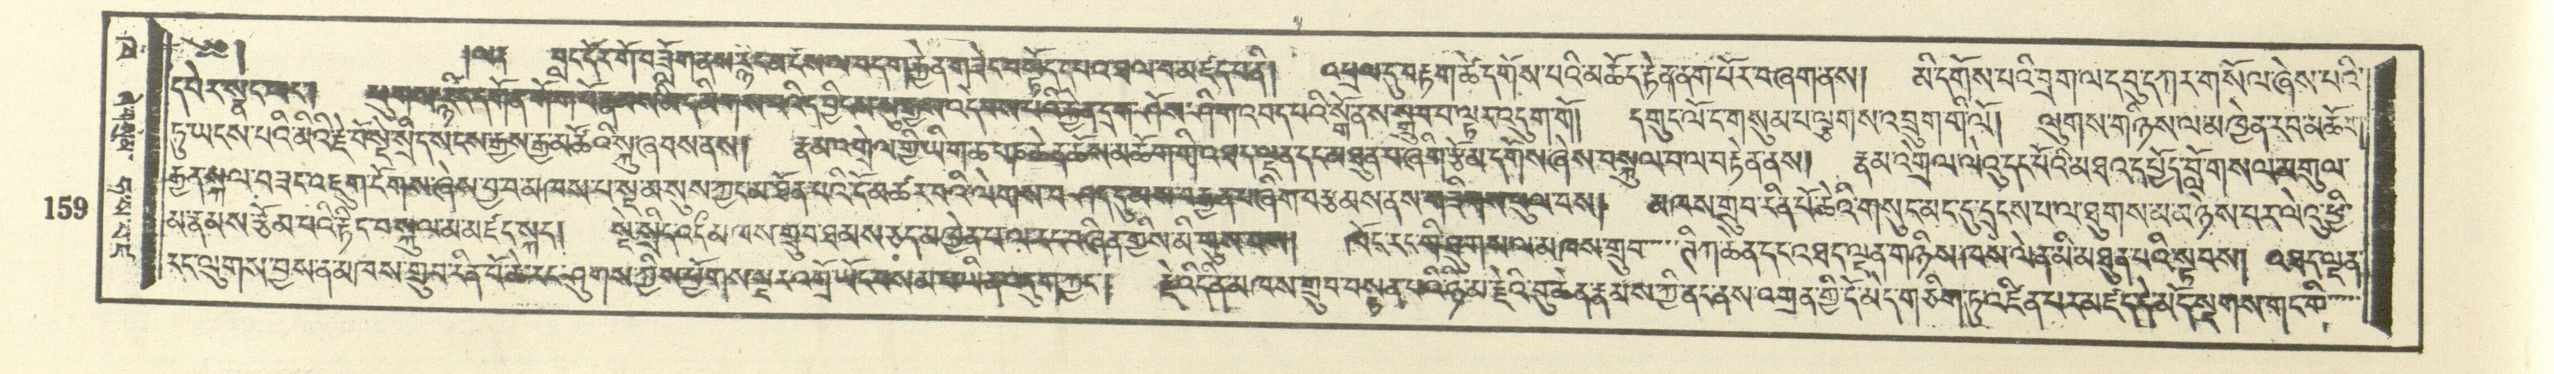༄༅། །ལ༑ བླང་དོར་གོ་བཟློག་ནས་རྙིང་མ་ངོས་ལ་བདག་རྐྱེན་གཟེང་བསྟོད་དཔའ་ཐལ་བ་མཛད་པ་ནི། འཕྲལ་དུ་བརྟག་ཚེ་དགོས་པའི་མཆོད་རྟེན་ནག་པོར་བཞག་ནས། མི་དགོས་པའི་བྲག་ལ་དབུ་དཀར་གསོལ་ཞེས་པའི་
དཔེར་སྣང་ཡང་། ཕུགས་རྙིང་དགོན་གོག་པོ་རྣམས་མི་དམིགས་པའི་དབྱིངས་སུ་རྒྱས་འདེབས་པའི་རྐྱེན་དྲག་ཤོས་ཤིག་འབད་པའི་སྒོ་ནས་སྒྲུབ་པ་ལྟར་འདུག་གོ། དགུང་ལོ་ང་གསུམ་པ་ལྕགས་འབྲུག་གི་ལོ། ལུགས་གཉིས་ལ་མཁྱེན་རབ་མཆོག་
ཏུ་ཡངས་པའི་མིའི་རྗེ་བོ་སྡེ་སྲིད་སངས་རྒྱས་རྒྱ་མཚོའི་སྐུ་ཞབས་ནས། རྣམ་འགྲེལ་གྱི་ཡིག་ཆ་པཎ་ཆེན་ཆོས་མཆོག་གི་འཐད་ལྡན་དང་མཐུན་པ་ཞིག་རྩོམ་དགོས་ཞེས་བསྐུལ་བ་ལ་བརྟེན་ནས། རྣམ་འགྲེལ་ལེའུ་དང་པོའི་མཐའ་དཔྱོད་བློ་གསལ་མགུལ་
རྒྱན་སྐལ་བཟང་འཇུག་ངོགས་ཞེས་བྱ་བ་མཁས་པ་སྔ་མ་སུས་ཀྱང་མ་ཐོན་པའི་ངོ་མཚར་བའི་ལེགས་བཤད་དུ་མས་བརྒྱན་པ་ཞིག་བརྩམས་ནས་གཟིགས་ཕུལ་བས། མཁས་གྲུབ་རིན་པོ་ཆེའི་གསུང་མང་དུ་དྲངས་པ་ལ་ཐུགས་མ་མཉེས་པར་ལེའུ་ཕྱི་
མ་རྣམས་རྩོམ་པའི་རྟིང་བསྐུལ་མ་མཛད་སྐད། སྡེ་སྲིད་འདྀ་མཁས་གྲུབ་ཐམས་ཅད་མཁྱེན་པ་ལ་རང་བཞིན་གྱིས་མི་གུས་པས། ཁོང་རང་གི་ཐུགས་ལ་མཁས་གྲུབ་ཊིཀ་ཆེན་དང་འཐད་ལྡན་གཉིས་ཁས་ལེན་མི་མཐུན་པའི་སྟབས། འཐད་ལྡན་
རང་ལུགས་བྱས་ན་མཁས་གྲུབ་རིན་པོ་ཆེ་རང་ཤུགས་ཀྱིས་ཕྱོགས་སྔར་འགྲོ་ཡོང་བསམ་པ་ཡིན་འདུག་ཀྱང་། རྗེ་འདི་ནི་མཁས་གྲུབ་བསྟན་པའི་ཉི་མ་རྗེའི་བུ་ཆེན་རྣམས་ཀྱི་ནང་ནས་འགྲན་གྱི་དོ་མེད་གཅིག་ཏུ་འཛིན་པར་མཛད་དེ་མདོ་སྔགས་གང་གི་